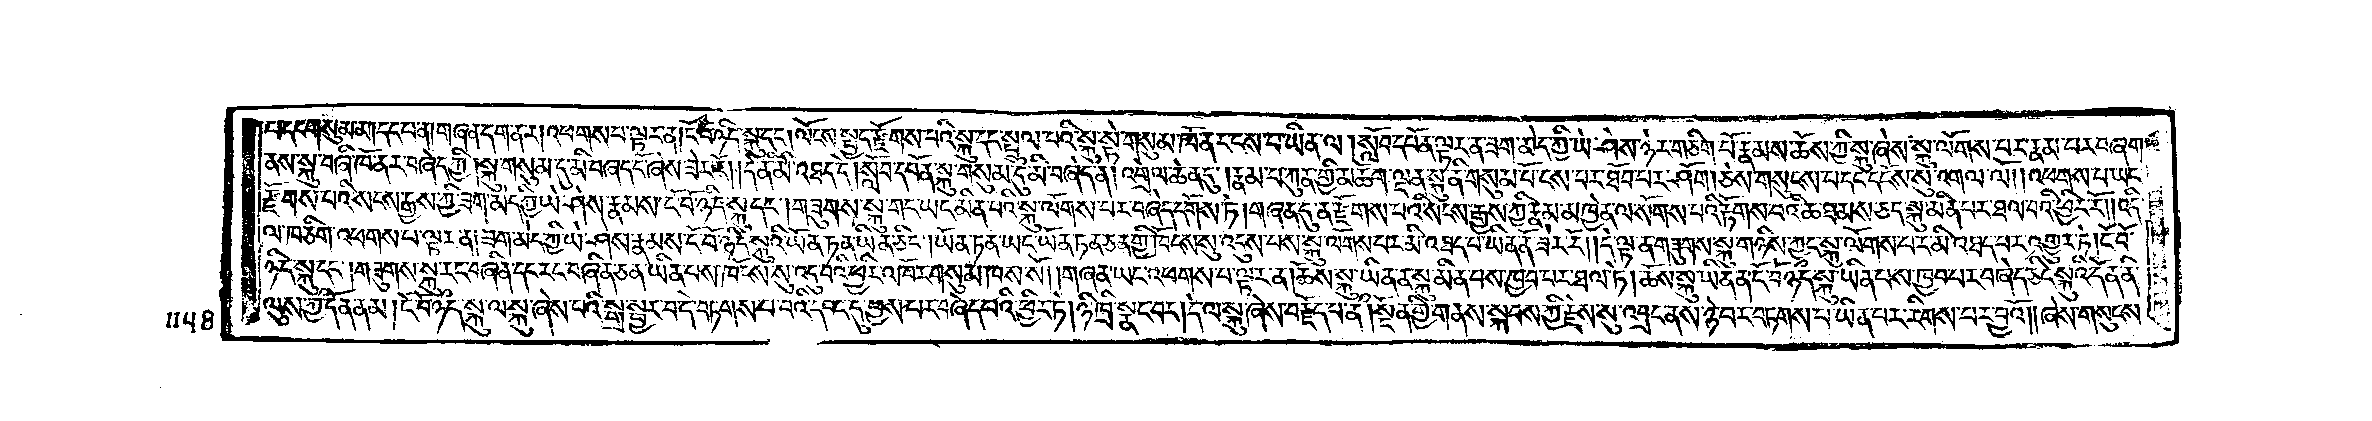བ་དང་གསུམ་མོ། དང་པོ་ནི། གཞན་དག་ན་རེ། འཕགས་པ་ལྟར་ན། ངོ་བོ་ཉིད་སྐུ་དང་། ལོངས་སྤྱོད་རྫོགས་པའི་སྐུ་དང་སྤྲུལ་བའི་སྐུ་སྟེ་གསུམ་ཁོ་ནར་ངེས་པ་ཡིན་ལ། སློབ་དཔོན་ལྟར་ན་ཟག་མེད་ཀྱི་ཡེ་ཤེས་ཉེར་གཅིག་པོ་རྣམས་ཆོས་ཀྱི་སྐུ་ཞེས་སྐུ་ལོགས་པར་རྣམ་པར་བཞག་
ནས་སྐུ་བཞི་ཁོ་ནར་བཞེད་ཀྱི། སྐུ་གསུམ་དུ་མི་བཞད་དོ་ཞེས་ཟེར་རོ། །དེ་ནི་མི་འཐད་དེ། སློབ་དཔོན་སྐུ་གསུམ་དུ་མི་བཞེད་ན། འགྲེལ་ཆེན་དུ། རྣམ་པ་ཀུན་གྱི་མཆོག་ལྡན་སྐུ་ནི་གསུམ་པོ་ངེས་པར་ཐོབ་པར་ཤོག །ཅེས་གསུངས་པ་དང་དངོས་སུ་འགལ་ལོ། །འཕགས་པ་ཡང་
རྫོགས་པའི་སངས་རྒྱས་ཀྱི་ཟག་མེད་ཀྱི་ཡེ་ཤེས་རྣམས་ངོ་བོ་ཉིད་སྐུ་དང་། གཟུགས་སྐུ་གང་ཡང་མིན་པའི་སྐུ་ལོགས་པར་བཞེད་དགོས་ཏེ། གཞན་དུ་ན་རྫོགས་པའི་སངས་རྒྱས་ཀྱི་རྣམ་མཁྱེན་ལ་སོགས་པའི་རྟོགས་པའི་ཆ་ཐམས་ཅད་སྐུ་མིན་པར་ཐལ་བའི་ཕྱིར་རོ། །འདི་
ལ་ཁ་ཅིག་འཕགས་པ་ལྟར་ན། ཟག་མེད་ཀྱི་ཡེ་ཤེས་རྣམས་ངོ་བོ་ཉིད་སྐུའི་ཡོན་ཏན་ཡིན་ཅིང་། ཡོན་ཏན་ཡང་ཡོན་ཏན་ཅན་གྱི་ཁོངས་སུ་འདུས་པས་སྐུ་ལོགས་པར་མི་འཐད་པ་ཡིན་ནོ་ཟེར་རོ། །དེ་ལྟ་ན་གཟུགས་སྐུ་གཉིས་ཀྱང་སྐུ་ལོགས་པར་མི་འཐད་པར་འགྱུར་ཏེ། ངོ་བོ་
ཉིད་སྐུ་དང་། གཟུགས་སྐུ་རང་བཞིན་དང་རང་བཞིན་ཅན་ཡིན་པས་ཁོངས་སུ་འདུ་བའི་ཕྱིར་འཁོར་གསུམ་ཁས་སོ། །གཞན་ཡང་འཕགས་པ་ལྟར་ན། ཆོས་སྐུ་ཡིན་ན་སྐུ་མིན་པས་ཁྱབ་པར་ཐལ་ཏེ། ཆོས་སྐུ་ཡིན་ན་ངོ་བོ་ཉིད་སྐུ་ཡིན་པས་ཁྱབ་པར་བཞེད་ཅིང་སྐུའི་དོན་ནི་
ལུས་ཀྱི་དོན་ནམ། ངོ་བོ་ཉིད་སྐུ་ལ་སྐུ་ཞེས་པའི་སྒྲ་སྦྱར་བ་དེ་བཏགས་པ་བའི་དབང་དུ་བྱས་པར་བཞེད་པའི་ཕྱིར་ཏེ། ཉི་ཁྲི་སྣང་བར། དེ་ལ་སྐུ་ཞེས་བརྗོད་པ་ནི། སྔོན་གྱི་གནས་སྐབས་ཀྱི་རྗེས་སུ་འབྲང་ནས་ཉེ་བར་བཏགས་པ་ཡིན་པར་རིགས་པར་བྱའོ། །ཞེས་གསུངས་